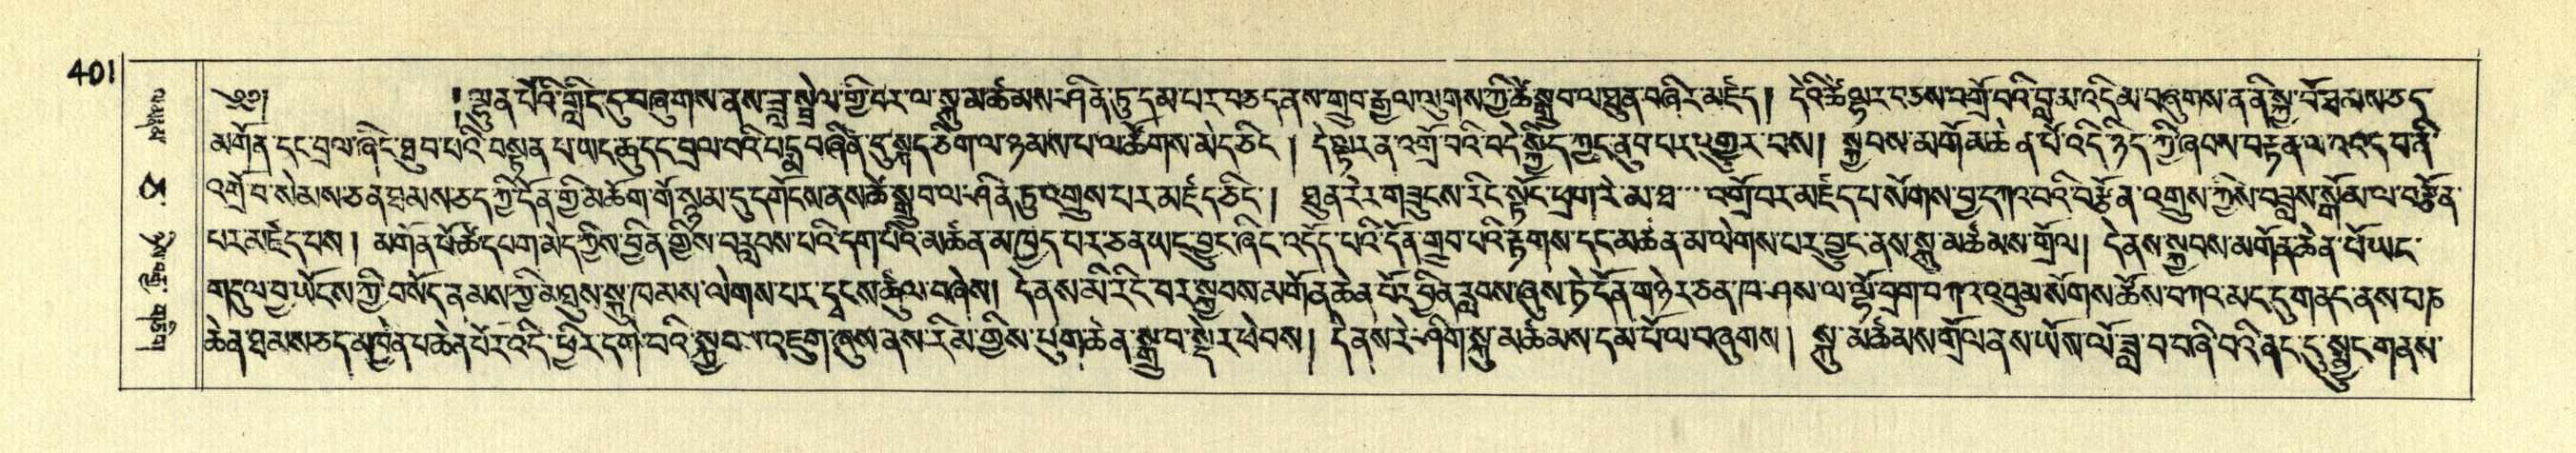༄༅། །ལྷུན་པོའི་གླིང་དུ་བཞུགས་ནས་ཟླ་སྦྲེལ་གྱི་བར་ལ་སྐུ་མཚམས་ཤིན་ཏུ་དམ་པར་བཅད་ནས་གྲུབ་རྒྱལ་ལུགས་ཀྱི་ཚེ་སྒྲུབ་ལ་ཐུན་བཞིར་མཛད། དེའི་ཚེ་ལྷར་བཅས་འགྲོ་བའི་བླ་མ་འདིམ་བཞུགས་ན་ནི་སྐྱ་བོ་ཐམས་ཅད་
མགོན་དང་བྲལ་ཞིང་ཐུབ་པའི་བསྟན་པ་ཡང་ཆུ་དང་བྲལ་བའི་པདམ་བཞིན་དུ་སྐད་ཅིག་ལ་ཉམས་པ་ལ་ཚོགས་མེད་ཅིང་། དེ་ལྟར་ན་འགྲོ་བའི་བདེ་སྐྱིད་ཀྱང་ནུབ་པར་འགྱུར་བས། སྐྱབས་མགོམ་ཆེན་པོ་འདི་ཉིད་ཀྱི་ཞབས་བརྟན་ལ་འབད་བ་ནི་
འགྲོ་བ་སེམས་ཅན་ཐམས་ཅད་ཀྱི་དོན་གྱི་མཆོག་གོ་སྙམ་དུ་དགོངས་ནས་ཚེ་སྒྲུབ་ལ་ཤིན་ཏུ་འགྲུས་པར་མཛད་ཅིང་། ཐུན་རེར་གཟུངས་རིང་སྟོང་ཕྲག་རེ་མ་ཐ་འགྲོ་བར་མཛད་པ་སོགས་བྱ་དཀའ་བའི་བརྩོན་འགྲུས་ཀྱིས་བཟླས་སྒོམ་ལ་བརྩོན་
པར་མཛད་པས། མགོན་པོ་ཚེ་དཔག་མེད་ཀྱིས་བྱིན་གྱིས་བརླབས་པའི་དག་པའི་མཚན་མ་ཁྱད་པར་ཅན་ཡང་བྱུང་ཞིང་འདོད་པའི་དོན་གྲུབ་པའི་རྟགས་དང་མཚན་མ་ལེགས་པར་བྱུང་ནས་སྐུ་མཚམས་གྲོལ། དེ་ནས་སྐྱབས་མགོན་ཆེན་པོ་ཡང་
གདུལ་བྱ་ཡོངས་ཀྱི་བསོད་ནམས་ཀྱི་མཐུས་སྐུ་ཁམས་ལེགས་པར་དྭངས་ཚུལ་བཞེས། དེ་ནས་མི་རིང་བར་སྐྱབས་མགོན་ཆེན་པོར་བྱིན་རླབས་ཞུས་ཏེ་དོན་གཉེར་ཅན་ཁ་ཤས་ལ་ལྷོ་བྲག་བཀའ་འབུམ་སོགས་ཚོས་བཀའ་མང་དུ་གནང་ནས་པཎ་
ཆེན་ཐམས་ཅད་མཁྱེན་པ་ཆེན་པོར་འདི་ཕྱིར་དགེ་བའི་སྐྱབས་འཇུག་ཞུས་ནས་རིམ་གྱིས་པུག་ཆེན་སྒྲུབ་སྡེར་ཕེབས། དེ་ནས་རེ་ཤིག་སྐུ་མཚམས་དམ་པོ་ལ་བཞུགས། སྐུ་མཚམས་གྲོལ་ནས་ཡོས་ལོ་ཟླ་བ་བཞི་བའི་ནང་དུ་སྨྱུང་གནས་